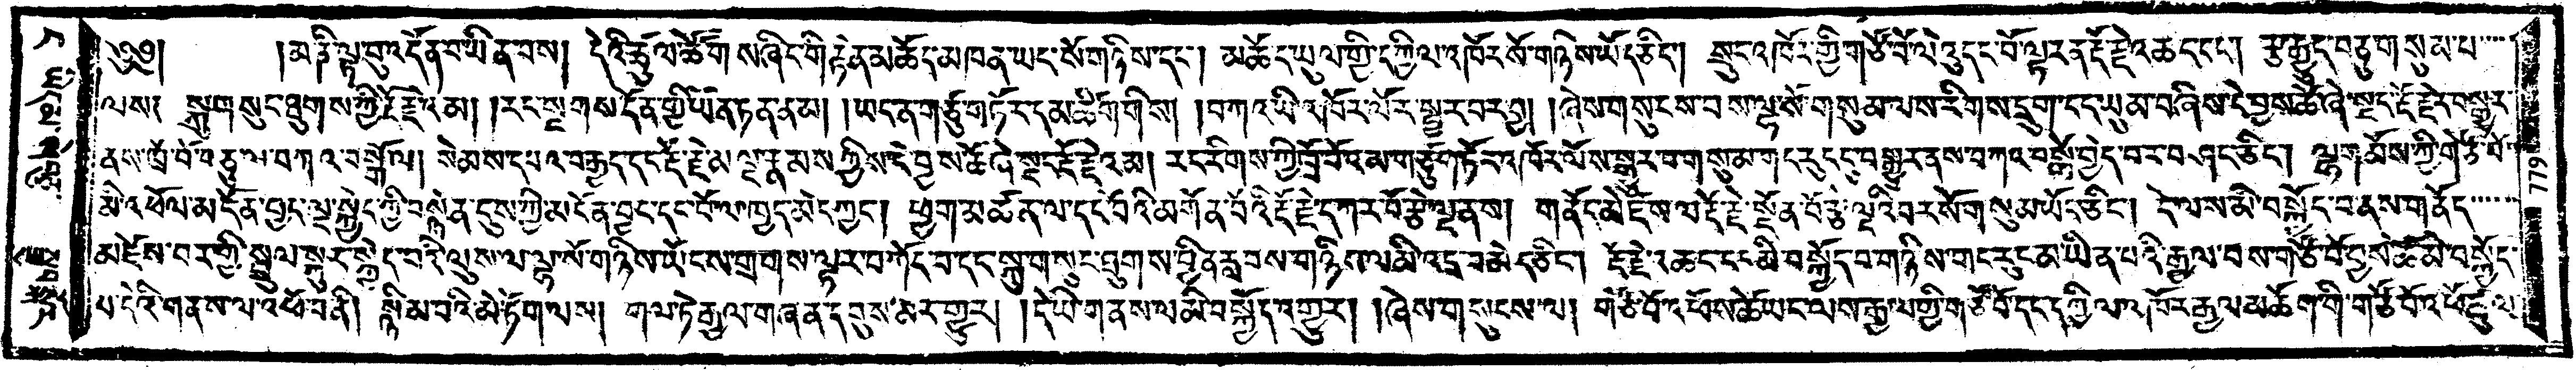༄༅། །མ་ཎི་ལྟ་བུ་འདོན་བ་ཡིན་བས། དེའི་ཚུལ་ཚེགས་ཞིང་གི་རྟེན་མཆོད་མཁན་ཡང་སོ་གཉིས་དང་། མཆོད་ཡུལ་གྱི་དཀྱིལ་འཁོར་སོ་གཉིས་ཡོད་ཅིང་། སྲུང་འཁོར་གྱི་གཙོ་བོ་ལེའུ་དང་བོ་ལྟར་ན་རྡོ་རྗེ་འཆང་དང་། རྩ་རྒྱུད་བཅུ་གསུམ་པ་
ལས༑ སྐུ་གསུང་ཐུགས་ཀྱི་རྡོ་རྗེའམ། །རང་སྔགས་དོན་གྱི་ཡོན་ཏན་ནམ། །ཡང་ན་གཙུག་ཏོར་དམ་ཚིག་གིས། །བཀའ་ཡི་འཁོར་ལོར་སྦྱར་བར་བྱ། །ཞེས་གསུངས་བས་ལྷ་སོ་གསུམ་ལས་རིགས་དྲུག་དང་ཡུམ་བཞིས་དེ་བྱས་ཚེ་ཞེ་སྡང་རྡོ་རྗེ་བསྦྱར་
ནས་ཁྲོ་བོ་བཅུ་ལ་བཀའ་བསྒོ་ལ། སེམས་དཔའ་བརྒྱད་དང་རྡོ་རྗེ་མ་ལྔ་རྣམས་ཀྱིས་དེ་བྱས་ཆོ་ཞེ་སྔད་རྡོ་རྗེའམ། རང་རིགས་ཀྱི་བྲོ་བོའམ་གཙུག་ཏོར་འཁོར་ལོས་སྒྱུར་བ་གསུམ་གང་རུང་དུ་བསྒྱུར་ནས་བ་ཞལ?་སྒོ་བྱེད་བར་བཤད་ཅིང་། ལྷག་མོས་ཀྱི་གཙོ་བོ་
མི་འཕོལ་མངོན་བྱང་ལྔ་སྐྱེད་ཀྱི་བསྙེན་དུས་ཀྱི་མངོན་བྱང་དང་བོ་ལ་ཁྱད་མེད་ཀྱང་། ཕྱག་མཚན་ལ་དང་བོའི་མགོན་བོའི་རྡོ་རྗེ་དཀར་བོ་རྩེ་ལྔ་ནས། གནོད་མཛེས་ལ་རྡོ་རྗེ་སྔོན་པོ་རྩེ་ལྔའི་བར་སོ་གསུམ་ཡོད་ཅིང་། དེ་ལས་མི་བསྐྱོད་བ་ནས་གནོད་
མཛེས་བར་གྱི་སྒྲུབ་སྐུར་སྐྱེད་པའི་ལུས་ལ་ལྷ་སོ་གཉིས་ཡོངས་གྲགས་ལྟར་བཀོད་བ་དང་སྐུ་གསུང་ཐུགས་བྱིན་རླབས་གཉིས་ལ་མི་འདྲ་བ་མེད་ཅིང་། རྡོ་རྗེ་འཆང་དང་མི་བསྐྱོད་བ་གཉིས་གང་རུང་མ་ཡིན་བའི་རྒྱལ་བས་གཙོ་བོ་བྱས་ཚེ་མེ་བསྐྱོད་
པ་དེའི་གནས་ལ་འཕོ་བ་ནི། སྙིམ་བའི་མེ་ཏོག་ལས། གལ་ཏེ་རྒྱལ་གཞན་དབུས་མར་གྱུར། །དེ་ཡི་གནས་ལ་མི་བསྐྱོད་འགྱུར། །ཞེས་གསུངས་ལ། གཙོ་བོ་འདྒོས་ཚེ་ཡང་ལས་རྒྱལ་ཀྱི་གཙོ་བོ་དང་དཀྱིལ་འཁོར་རྒྱལ་མཆོག་གི་གཙོ་བོ་འཕོ་ཚུལ་